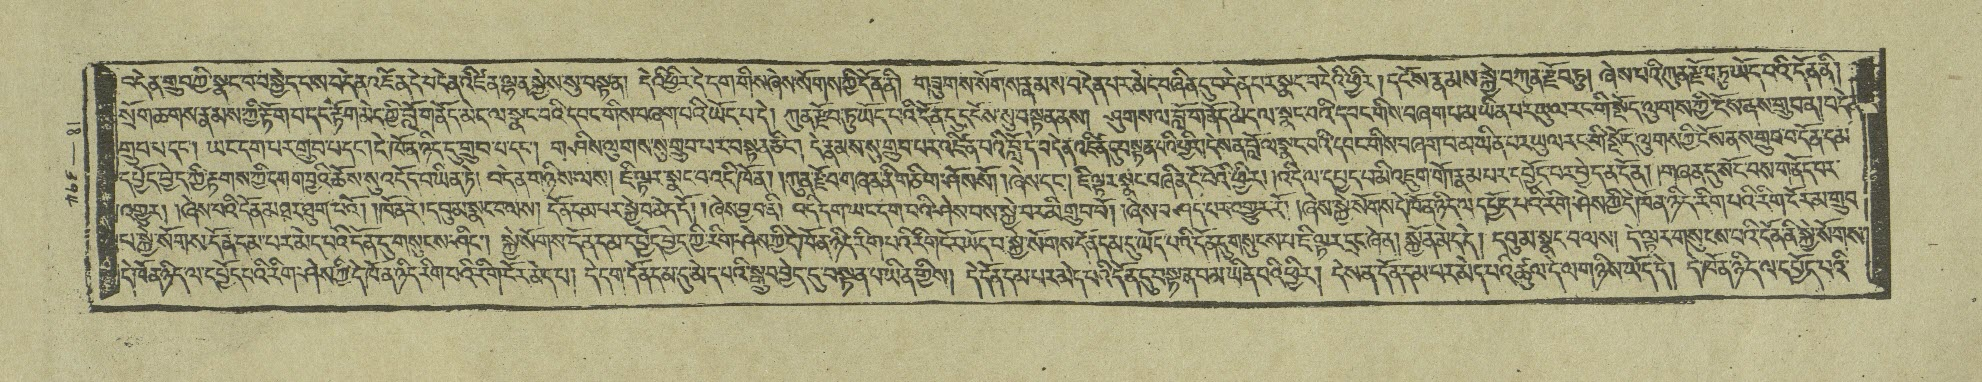བདེན་གྲུབ་ཀྱི་སྣང་བ་བསྐྱེད་པས་བདེན་འཛིན་དེ་བདེན་འཛིན་ལྷན་སྐྱེས་སུ་བསྟན། དེའི་ཕྱིར་བདག་གིས་ཞེས་སོགས་ཀྱི་དོན་ནི། གཟུགས་སོགས་རྣམས་བདེན་པར་མེད་བཞིན་དུ་བདེན་པར་སྣང་བ་དེའི་ཕྱིར། དངོས་རྣམས་སྐྱེ་བ་ཀུན་རྫོབ་ཏུ། ཞེས་པའི་ཀུན་རྫོབ་ཏུ་ཡོད་པའི་དོན་ནི།
སྲོག་ཆགས་རྣམས་ཀྱི་རྟོག་པ་དང་རྟོག་མེད་ཀྱི་བློ་གནོད་མེད་ལ་སྣང་བའི་དབང་གིས་བཞག་པའི་ཡོད་པ་དེ། ཀུན་རྫོབ་ཏུ་ཡོད་པའི་དོན་དུ་དངོས་སུ་བསྟན་ནས། ཤུགས་ལ་བློ་གནོད་མེད་ལ་སྣང་བའི་དབང་གིས་བཞག་པ་མ་ཡིན་པར་ཡུལ་རང་གི་སྡོད་ལུགས་ཀྱི་ངོས་ནས་གྲུབ་ན། བདེན་པ་
གྲུབ་པ་དང་། ཡང་དག་པར་གྲུབ་པ་དང་། དེ་ཁོ་ན་ཉིད་དུ་གྲུབ་པ་དང་། གཤིས་ལུགས་སུ་གྲུབ་པར་བསྟན་ཅིང་། དེ་རྣམས་སུ་གྲུབ་པར་འཛིན་པའི་བློ་དེ་བདེན་འཛིན་དུ་བསྟན་པའི་ཕྱིར། དེས་ན་བློ་ལ་སྣང་བའི་དབང་གིས་བཞག་པ་མ་ཡིན་པར་ཡུལ་རང་གི་སྡོད་ལུགས་ཀྱི་ངོས་ནས་གྲུབ་པ་དོན་དམ་
དཔྱོད་བྱེད་ཀྱི་རྟགས་ཀྱི་དགག་བྱའི་ཆོས་སུ་འདོད་པ་ཡིན་ཏེ། བདེན་གཉིས་ལས། ཇི་ལྟར་སྣང་བ་འདི་ཁོ་ན། །ཀུན་རྫོབ་གཞན་ནི་གཅིག་ཤོས་སོ། །ཞེས་དང་། ཇི་ལྟར་སྣང་བཞིན་ངོ་བོའི་ཕྱིར། །འདི་ལ་དཔྱད་པ་མི་འཇུག་གོ །རྣམ་པར་དཔྱོད་པར་བྱེད་ན་དོན། །གཞན་དུ་སོང་བས་གནོད་པར་
འགྱུར། །ཞེས་པའི་དོན་མཐར་ཐུག་པའོ། །ཁོ་ན་རེ། དབུ་མ་སྣང་བ་ལས། དོན་དམ་པར་སྐྱེ་བ་མེད་དོ། །ཞེས་བྱ་བ་ནི། འདི་དག་ཡང་དག་པའི་ཤེས་པས་སྐྱེ་བར་མི་གྲུབ་བོ། །ཞེས་བཤད་པར་འགྱུར་རོ། །ཞེས་སྐྱེ་སོགས་དེ་ཁོ་ན་ཉིད་ལ་དཔྱོད་པའི་རིག་ཤེས་ཀྱི་དེ་ཁོ་ན་ཉིད་རིག་པའི་རིག་དོར་མ་གྲུབ་
བ་སྐྱེ་སོགས་དོན་དམ་པར་མེད་པའི་དོན་དུ་གསུངས་ཤིང་། སྐྱེ་སོགས་དོན་དམ་དཔྱོད་བྱེད་ཀྱི་རིག་ཤེས་ཀྱི་དེ་ཁོ་ན་ཉིད་རིག་པའི་རིག་ངོར་ཡོད་པ་སྐྱེ་སོགས་དོན་དམ་དུ་ཡོད་པའི་དོན་དུ་གསུངས་པ་ཇི་ལྟར་དྲང་ཞེ་ན། སྐྱོན་མེད་དེ། དབུ་མ་སྣང་བ་ལས། དེ་ལྟར་གསུངས་པའི་དོན་ནི་སྐྱེ་སོགས་
དེ་ཁོ་ན་ཉིད་ལ་དཔྱོད་པའི་རིག་ཤེས་ཀྱི་དེ་ཁོ་ན་ཉིད་རིག་པའི་རིག་ངོར་མེད་པ། དེ་དག་དོན་དམ་དུ་མེད་པའི་སྒྲུབ་བྱེད་དུ་བསྟན་པ་ཡིན་གྱིས། དེ་དོན་དམ་པར་མེད་པའི་དོན་དུ་བསྟན་པ་མ་ཡིན་པའི་ཕྱིར། དེས་ན་དོན་དམ་པར་མེད་པའི་ཚུལ་དེ་ལ་གཉིས་ཡོད་དེ། དེ་ཁོ་ན་ཉིད་ལ་དཔྱོད་པའི་